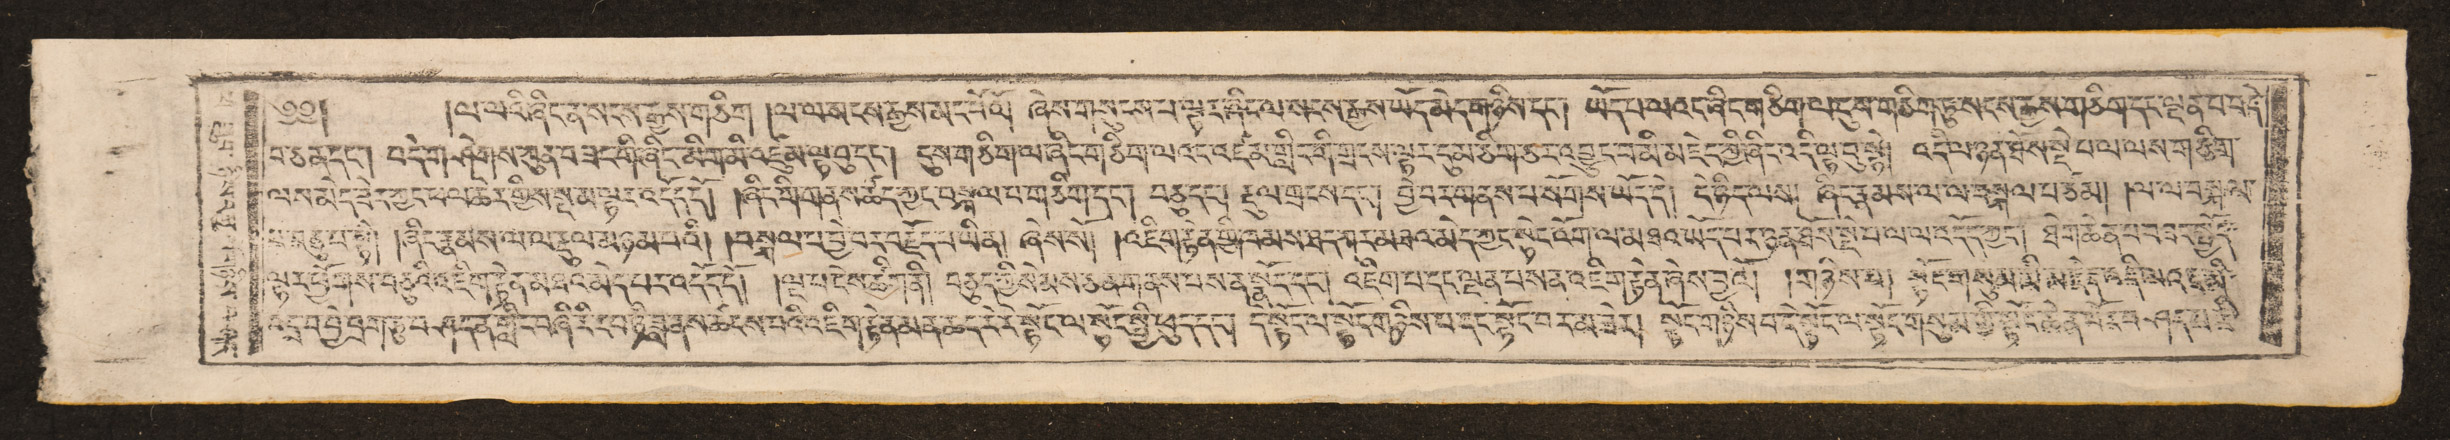༄༅། །ལ་ལའི་ཞིང་ན་སངས་རྒྱས་གཅིག །ལ་ལ་སངས་རྒྱས་མང་པོའོ། ཞེས་གསུངས་པ་ལྟར་ཞིང་ལ་སངས་རྒྱས་ཡོད་མེད་གཉིས་དང་། ཡོད་པ་ལའང་ཞིང་གཅིག་ལ་དུས་གཅིག་ཏུ་སངས་རྒྱས་གཅིག་དང་ལྡན་པ་བདེ་
བ་བ་ཨ་?་དང་། བདེ་གཤེགས་ཀུན་བཟང་གི་ཞིང་མིག་མི་འཛུམ་ལྟ་བུ་དང་། དུས་གཅིག་ལ་ཞིང་གཅིག་ལའང་འཛམ་གླིང་གི་གྲངས་ལྟར་དུ་མ་ཅིག་ཅར་འབྱུང་བ་མི་མཇེད་ཀྱི་ཞིང་འདི་ལྟ་བུ་སྟེ། འདི་ལ་ཉན་ཐོས་སྡེ་པ་ལ་ལས་གཅིག་
ལས་མེད་ཟེར་ཀྱང་ཕལ་ཆེར་གྱིས་སྔ་མ་ལྟར་འདོད་དོ། །ཞིང་གི་གནས་ཚད་ཀྱང་བསྐལ་པ་གཅིག་དང་། བཅུ་དང་། རྡུལ་གྲངས་དང་། བྱེ་བར་གནས་པ་སོགས་ཡོད་དེ། དེ་ཉིད་ལས། ཞིང་རྣམས་ལ་ལ་བསྐལ་བ་ཙམ། །ལ་ལ་བསྐལ་
བ་བཅུ་པ་སྟེ། །ཞིང་རྣམས་ལ་ལ་རྡུལ་མཉམ་པའི། །བསྐལ་བ་བྱེ་པར་བརྗོད་པ་ཡིན། ཞེས་སོ། །འཇིག་རྟེན་གྱི་ཁམས་ཐད་ཀར་མཐའ་མེད་ཀྱང་སྟེང་འོག་ལ་མཐའ་ཡོད་པར་ཉན་ཐོས་སྡེ་བ་ལ་ལ་འདོད་ཀྱང་། ཐེག་ཆེན་པ་བཟང་སྤྱོད་
ལྟར་ཕྱོགས་བཅུའི་འཇིག་རྟེན་མཐའ་མེད་པར་འདོད་དོ། །ལྔ་པ་ངེས་ཚིག་ནི། བཅུད་ཀྱི་སེམས་ཅན་གནས་པས་ན་སྣོད་དང་། འཇིག་པ་དང་ལྡན་པས་ན་འཇིག་རྟེན་ཞེས་བྱའོ། །གཉིས་པ། སྟོང་གསུམ་མི་མཇེད་འདི་ལའང་མི་
འདྲ་བ་བྱེ་བྲག་ཏུ་བཤད་ན་གླིང་བཞིའི་རབ་ཉི་ཟླ་ནས་ཚངས་པའི་འཇིག་རྟེན་མན་ཆད་རེ་རེ་སྟོང་ལ་སྟོང་སྤྱི་ཕུད་དང་། དེ་སྟོང་ལ་སྟོང་གཉིས་པ་དང་སྟོང་པར་མ་ཟེར། སྟོང་གཉིས་པ་དེ་སྟོང་ལ་སྟོང་གསུམ་གྱི་སྟོང་ཆེན་པོར་བཤད་པ་རི་